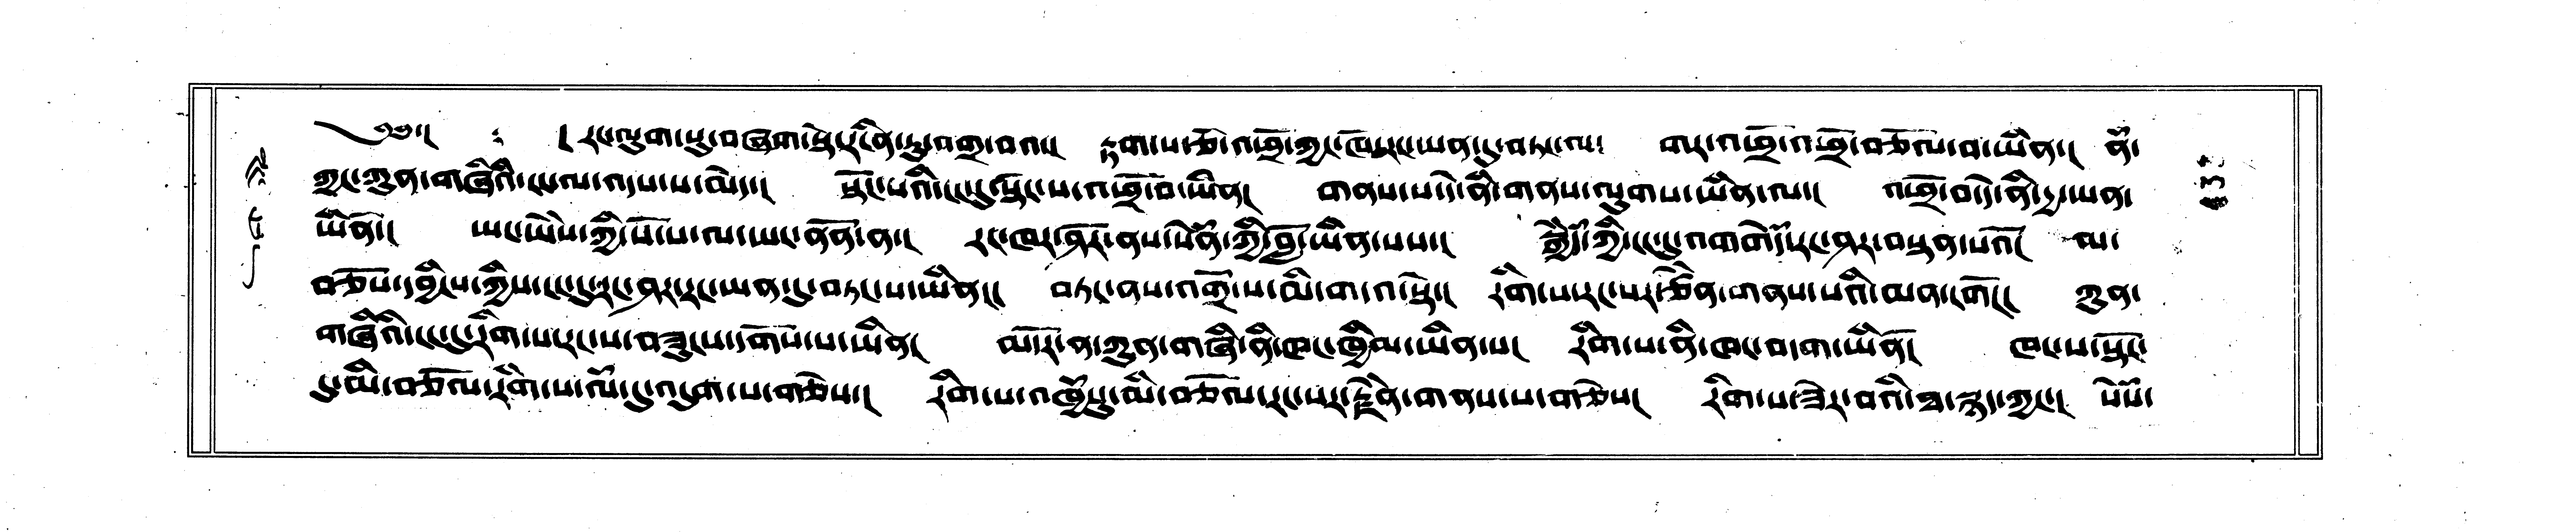རང་ལུགས་སུ་བཞག་སྟེ་རང་ཞི་རུ་འགྲོ་བའོ། རྟོག་པ་ཅི་འཕྲོས་ཀྱང་། ཁོ་རང་ཡན་དུ་ཐོང་དང་གཏང་ལ་གར་འཕྲོ་འཕྲོ་འཕྲོ་བ་དེ་ནི་རྒྱ་ཡིན། ནམ་
ཀྱང་༼ཡང་༽ཀུན་གཞིའི་ངང་ལས་འདས་མེད་དེ། སྟོང་པའི་ངང་དུ་སྟོང་པ་འཕྲོ་བ་ཡིན། གནས་པ་དེ་ནི་གནས་ལུགས་ཡིན་ལ། འཕྲོ་བ་དེ་ནི་རྒྱ་ཡན་
ཡིན་ནོ། དེ་ཡང་ཡེ་ཤེས་སོ་པས་མ་ནོན་ན། རང་ཁར་ཤོར་ན་སེམས་ཅན་གྱི་བློ་ཡིན་པས། སྐྱེ་མེད་ཀྱི་ངང་དུ་གྷག་(འགའ)མེད་རང་ཤར་དུ་བསྟན་པའོ། མ་
བཅོས་དབྱིངས་ཀྱི་ངང་དུ་རང་ཤར་རྒྱ་ཡན་དུ་བཏང་པ་ཡིན་ནོ། བཏང་ནས་འགྲོ་ས་མི་གདའ་སྟེ་རིག་པ་རང་”སར”ཙེན་ཙེན་གནས་པའི་མེན་ངག་གོ ཀུན་
གཞིའི་ངང་དུ་རིག་པ་རང་ས་ཟིན་དགོས་པ་ཡིན། མདོར་ན་ཀུན་གཞི་ནི་ཁང་ཁྱིམ་ཡིན་ལ། རིག་པ་ནི་ཁང་བདག་ཡིན་ནོ། ཁང་པ་ནི་སྟོང་
སུ་མ་བཅོལ་དུ་རིག་པ་ནི་མལ་ན་འདུག་པ་གཅེས། རིག་པ་འཁྱམས་སུ་མ་བཅོལ་རང་སར་རྗེན་ནེ་གནས་པ་གཅེས། རིག་པ་ཟེར་བའི་ཐ་སྙད་ཀྱང་སེམས་